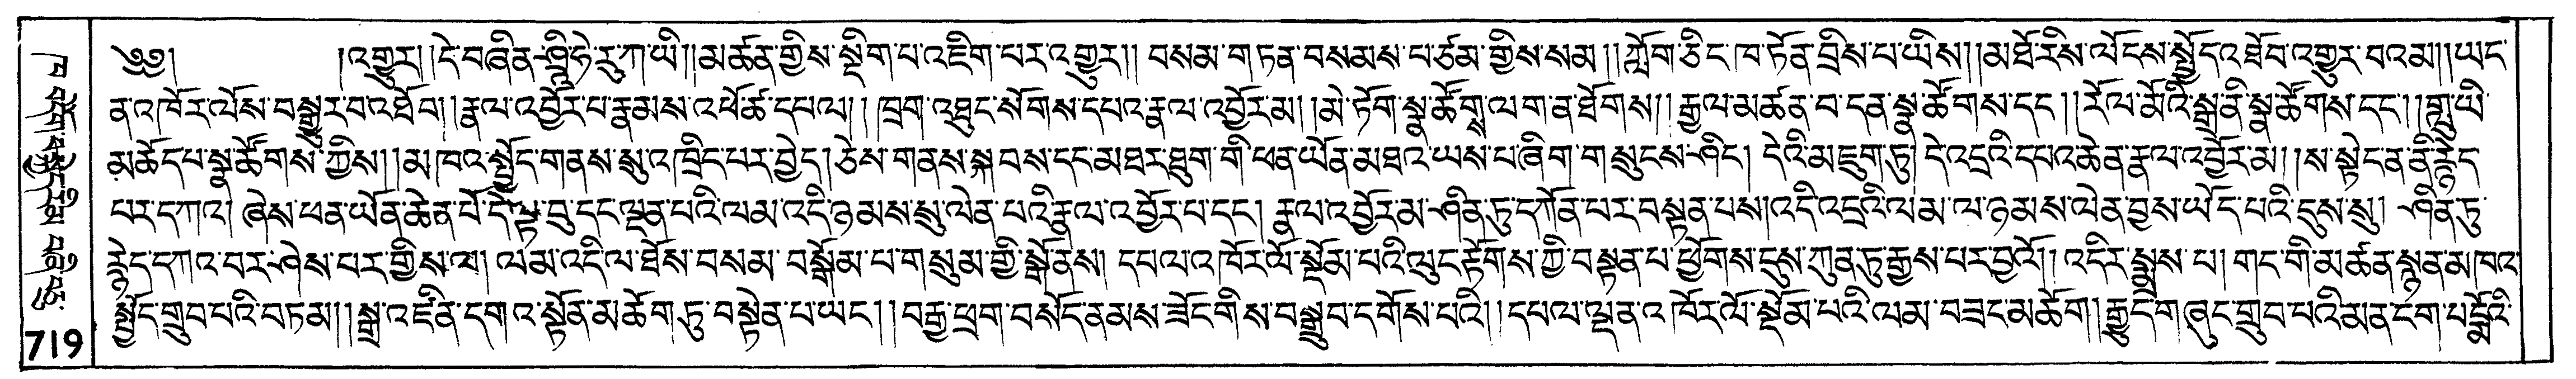༄༅། །འགྱུར། །དེ་བཞིན་ཤྲཱི་ཧེ་རུ་ཀ་ཡི། །མཚན་གྱིས་སྡིག་པ་འཇིག་པར་འགྱུར། །བསམ་གཏན་བསམས་པ་ཙམ་གྱིས་སམ། །ཀློག་ཅིང་ཁ་ཏོན་བྲིས་པ་ཡིས། །མཐོ་རིས་ལོངས་སྤྱོད་འཐོབ་འགྱུར་བའམ། །ཡང་
ན་འཁོར་ལོས་བསྒྱུར་བ་འཐོབ། །རྣལ་འབྱོར་པ་རྣམས་འཕོ་ཚ་དཔལ། །ཁྲག་འཐུང་སོགས་དཔའ་རྣལ་འབྱོར་མ། །མེ་ཏོག་སྣ་ཚོགས་ལག་ན་ཐོགས། །རྒྱལ་མཚན་བ་དན་སྣ་ཚོགས་དང་། །རོལ་མོའི་སྒྲ་ནི་སྣ་ཚོགས་དང་། །གླུ་ཡི་
མཆོད་པ་སྣ་ཚོགས་ཀྱིས། །མཁའ་སྤྱོད་གནས་སུ་འཁྲིད་པར་བྱེད། ཅེས་གནས་སྐབས་དང་མཐར་ཐུག་གི་ཕན་ཡོན་མཐའ་ཡས་པ་ཞིག་གསུངས་ཤིང་། དེའི་མཇུག་ཏུ། དེ་འདྲའི་དཔའ་ཆེན་རྣལ་འབྱོར་མ། །ས་སྟེང་ན་ནི་རྙེད་
པར་དཀའ། ཞེས་ཕན་ཡོན་ཆེན་པོ་དེ་ལྟ་བུ་དང་ལྡན་པའི་ལམ་འདི་ཉམས་སུ་ལེན་པའི་རྣལ་འབྱོར་པ་དང་། རྣལ་འབྱོར་མ་ཤིན་ཏུ་དཀོན་པར་བསྟན་པས། འདི་འདྲའི་ལམ་ལ་ཉམས་ལེན་བྱས་ཡོད་པའི་དུས་སུ། ཤིན་ཏུ་
རྙེད་དཀའ་བར་ཤེས་པར་གྱིས་ལ། ལམ་འདི་ལ་ཐོས་བསམ་བསྒོམ་པ་གསུམ་གྱི་སྒོ་ནས། དཔལ་འཁོར་ལོ་སྡོམ་པའི་ལུང་རྟོགས་ཀྱི་བསྟན་པ་ཕྱོགས་དུས་ཀུན་ཏུ་རྒྱས་པར་བྱའོ། །འདིར་སྨྲས་པ། གང་གི་མཚན་སྙན་མཁའ་
སྤྱོད་གྲུབ་པའི་བཏམ། །སྒྲ་འཛིན་དགའ་སྟོན་མཆོག་ཏུ་བསྟེན་པ་ཡང་། །བརྒྱ་ཕྲག་བསོད་ནམས་ཟོང་གིས་བསྒྲུབ་དགོས་པའི། །དཔལ་ལྡན་འཁོར་ལོ་སྡོམ་པའི་ལམ་བཟང་མཆོག །རྒྱུད་གཞུང་གྲུབ་པའི་མན་ངག་པདམོའི་